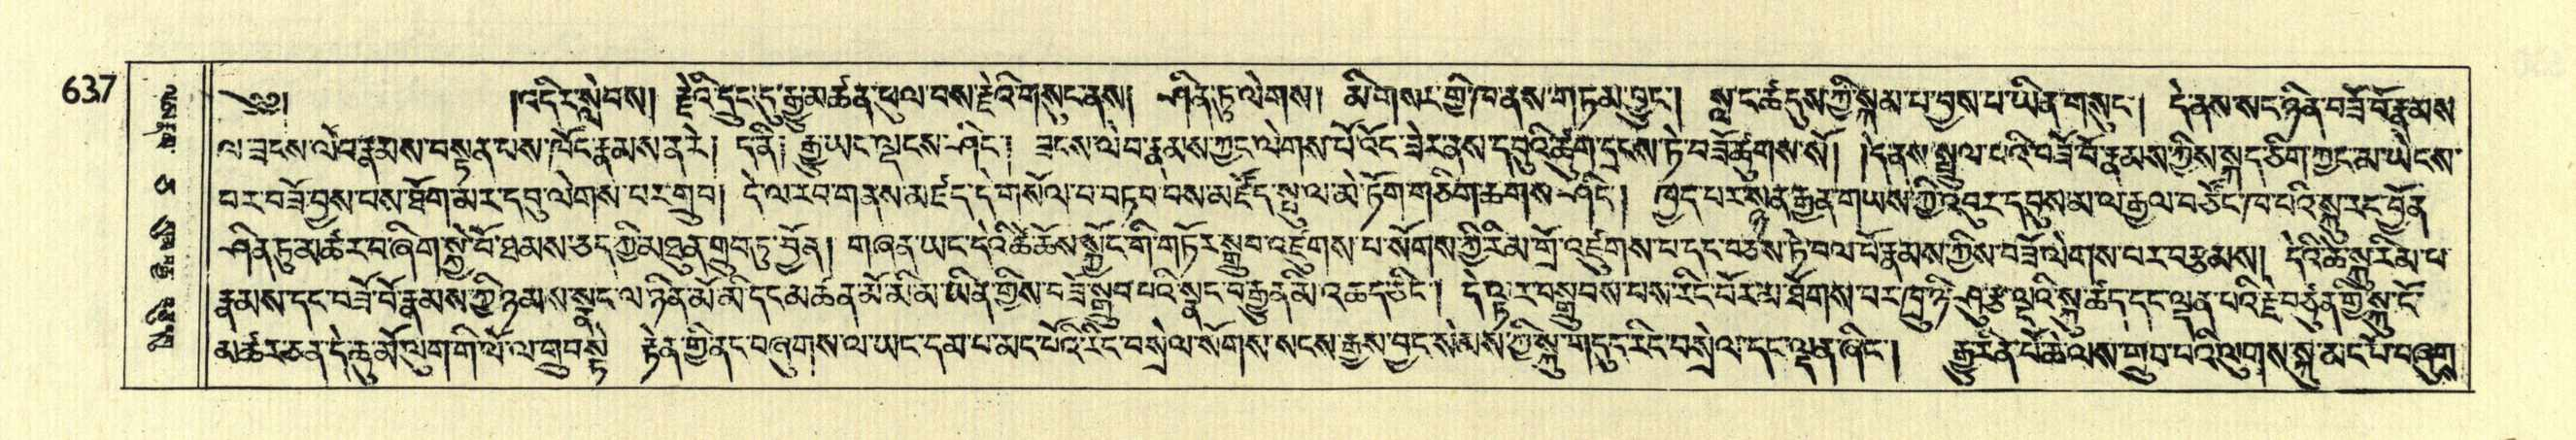༄༅། །འདིར་སླེབས། རྗེའི་དྲུང་དུ་རྒྱུ་མཚན་ཕུལ་བས་རྗེའི་གསུང་ནས། ཤིན་ཏུ་ལེགས། མི་གསར་གྱི་ཁ་ནས་གཏམ་བྱུང་། སླང་ཚ་དུས་ཀྱི་སྐམ་པ་བྱས་པ་ཡིན་གསུང་། དེ་ནས་སང་ཉིན་བཟོ་བོ་རྣམས་
ལ་ཟངས་ལེབ་རྣམས་བསྟན་པས་ཁོང་རྣམས་ན་རེ། ད་ནི། རྒྱུ་ཡང་ལྡངས་ཤིང་། ཟངས་ལེབ་རྣམས་ཀྱང་ལེགས་པོ་འོད་ཟེར་ནས་དབུའི་ཚུག་དྲངས་ཏེ་བཟོ་ཚུགས་སོ། །དེ་ནས་སྤྲུལ་པའི་བཟོ་བོ་རྣམས་ཀྱིས་སྐད་ཅིག་ཀྱང་མ་ཡེངས་
བར་བཟོ་བྱས་པས་ཐོག་མར་དབུ་ལེགས་པར་གྲུབ། དེ་ལ་རབ་གནས་མཛད་དེ་གསོལ་བ་བཏབ་བས་མཛོད་སྤུ་ལ་མེ་ཏོག་གཅིག་ཆགས་ཤིང་། ཁྱད་པར་སྙན་རྒྱན་གཡས་ཀྱི་འབུར་དབུས་མ་ལ་རྒྱལ་བ་ཙོང་ཁ་པའི་སྐུ་རང་བྱོན་
ཤིན་ཏུ་མཚར་བ་ཞིག་སྐྱེ་བོ་ཐམས་ཅད་ཀྱི་མཐུན་གྲུབ་ཏུ་བྱོན། གཞན་ཡང་དེའི་ཚེ་ཆོས་སྐྱོང་གི་གཏོར་སྒྲུབ་འཛུགས་པ་སོགས་ཀྱི་རིམ་གྲོ་འཛུགས་པ་དང་བཅས་ཏེ་བལ་པོ་རྣམས་ཀྱིས་བཟོ་ལེགས་པར་བརྩམས། དེའི་ཚེ་སྐུ་རིམ་པ་
རྣམས་དང་བཟོ་བོ་རྣམས་ཀྱི་ཉམས་སྣང་ལ་ཉིན་མོ་མི་དང་མཚན་མོ་མི་མ་ཡིན་གྱིས་བཟོ་སྒྲུབ་པའི་སྣང་བ་རྒྱུན་མི་འཆད་ཅིང་། དེ་ལྟར་བསྒྲུབས་པས་རིང་པོར་མ་ཐོགས་པར་ཁྲུ་ཉི་ཤུ་རྩ་ལྔའི་སྐུ་ཚད་དང་ལྡན་པའི་རྗེ་བཙུན་གྱི་སྐུ་ངོ་
མཚར་ཅན་དེ་ཆུ་མོ་ལུག་གི་ལོ་ལ་གྲུབ་སྟེ་རྟེན་གྱི་ནང་བཞུགས་ལ་ཡང་དམ་པ་མང་པོའི་རིང་བསྲེལ་སོགས་སངས་རྒྱས་བྱང་སེམས་ཀྱི་སྐུ་གདུང་རིང་བསྲེལ་དང་ལྡན་ཞིང་། རྒྱུ་རིན་པོ་ཆེ་ལས་གྲུབ་པའི་ལུགས་སྐུ་མང་པོ་བཞུགས་